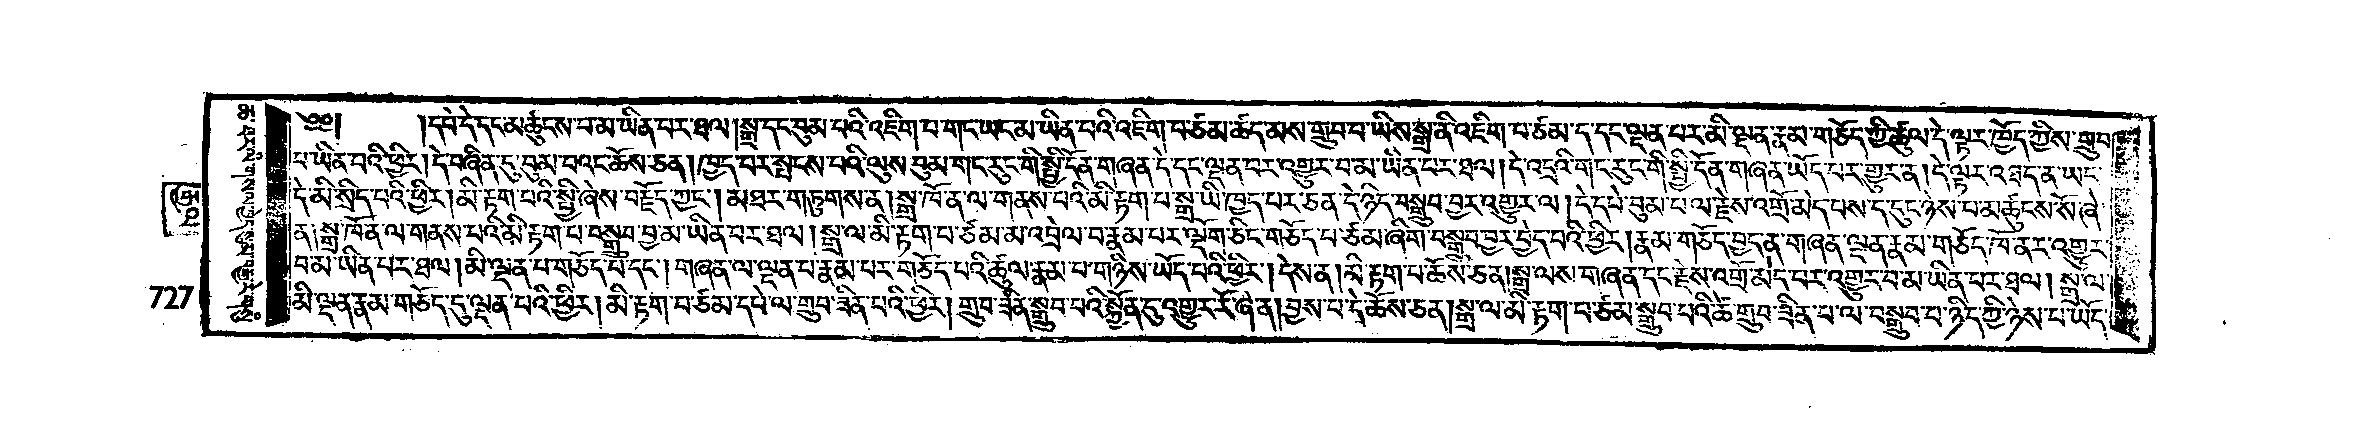༄༅། །དཔེ་དེ་དང་མཚུངས་པ་མ་ཡིན་པར་ཐལ། སྒྲ་དང་བུམ་པའི་འཇིག་པ་གང་ཡང་མ་ཡིན་པའི་འཇིག་པ་ཙམ་ཚད་མས་གྲུབ་པ་ཡིས་སྒྲ་ནི་འཇིག་པ་ཙམ་དེ་དང་ལྡན་པར་མི་ལྡན་རྣམ་གཅོད་ཀྱི་ཚུལ་དེ་ལྟར་ཁྱོད་ཀྱིས་གྲུབ་
པ་ཡིན་པའི་ཕྱིར། དེ་བཞིན་དུ་བུམ་པའང་ཆོས་ཅན། ཁྱད་པར་སྤངས་པའི་ལུས་བུམ་གང་རུང་གི་སྤྱི་དོན་གཞན་དེ་དང་ལྡན་པར་འགྱུར་བ་མ་ཡིན་པར་ཐལ། དེ་འདྲའི་གང་རུང་གི་སྤྱི་དོན་གཞན་ཡོད་པར་གྱུར་ན། དེ་ལྟར་འཐད་ན་ཡང་
དེ་མི་སྲིད་པའི་ཕྱིར། མི་རྟག་པའི་སྤྱི་ཞེས་བརྗོད་ཀྱང་། མཐར་གཏུགས་ན། སྒྲ་ཁོ་ན་ལ་གནས་པའི་མི་རྟག་པ་སྒྲ་ཡི་ཁྱད་པར་ཅན་དེ་ཉིད་བསྒྲུབ་བྱར་འགྱུར་ལ། དེ་དཔེ་བུམ་པ་ལ་རྗེས་འགྲོ་མེད་པས་དེ་དུང་ཉེས་པ་མཚུངས་སོ་ཞེ་
ན། སྒྲ་ཁོ་ན་ལ་གནས་པའི་མི་རྟག་པ་བསྒྲུབ་བྱ་མ་ཡིན་པར་ཐལ། སྒྲ་ལ་མི་རྟག་པ་ཙམ་མ་འབྲེལ་བ་རྣམ་པར་ལྡོག་ཅིང་གཅོད་པ་ཙམ་ཞིག་བསྒྲུབ་བྱར་བྱེད་པའི་ཕྱིར། རྣམ་གཅོད་བྱད་ན་གཞན་ལྡན་རྣམ་གཅོད་ཁོ་ནར་འགྱུར་
བ་མ་ཡིན་པར་ཐལ། མི་ལྡན་པ་གཅོད་པ་དང་། གཞན་ལ་ལྡན་པ་རྣམ་པར་གཅོད་པའི་ཚུལ་རྣམ་པ་གཉིས་ཡོད་པའི་ཕྱིར། དེས་ན། མི་རྟག་པ་ཆོས་ཅན། སྒྲ་ལས་གཞན་དང་རྗེས་འགྲོ་མེད་པར་འགྱུར་བ་མ་ཡིན་པར་ཐལ། སྒྲ་ལ་
མི་ལྡན་རྣམ་གཅོད་དུ་ལྡན་པའི་ཕྱིར། མི་རྟག་པ་ཙམ་དཔེ་ལ་གྲུབ་ཟིན་པའི་ཕྱིར། གྲུབ་ཟིན་སྒྲུབ་པའི་སྐྱོན་དུ་འགྱུར་རོ་ཞེ་ན། བྱས་པ་དྲེ་ཆོས་ཅན། སྒྲ་ལ་མི་རྟག་པ་ཙམ་སྒྲུབ་པའི་ཚེ་གྲུབ་ཟིན་པ་ལ་བསྒྲུབ་པ་ཉིད་ཀྱི་ཉེས་པ་ཡོད་